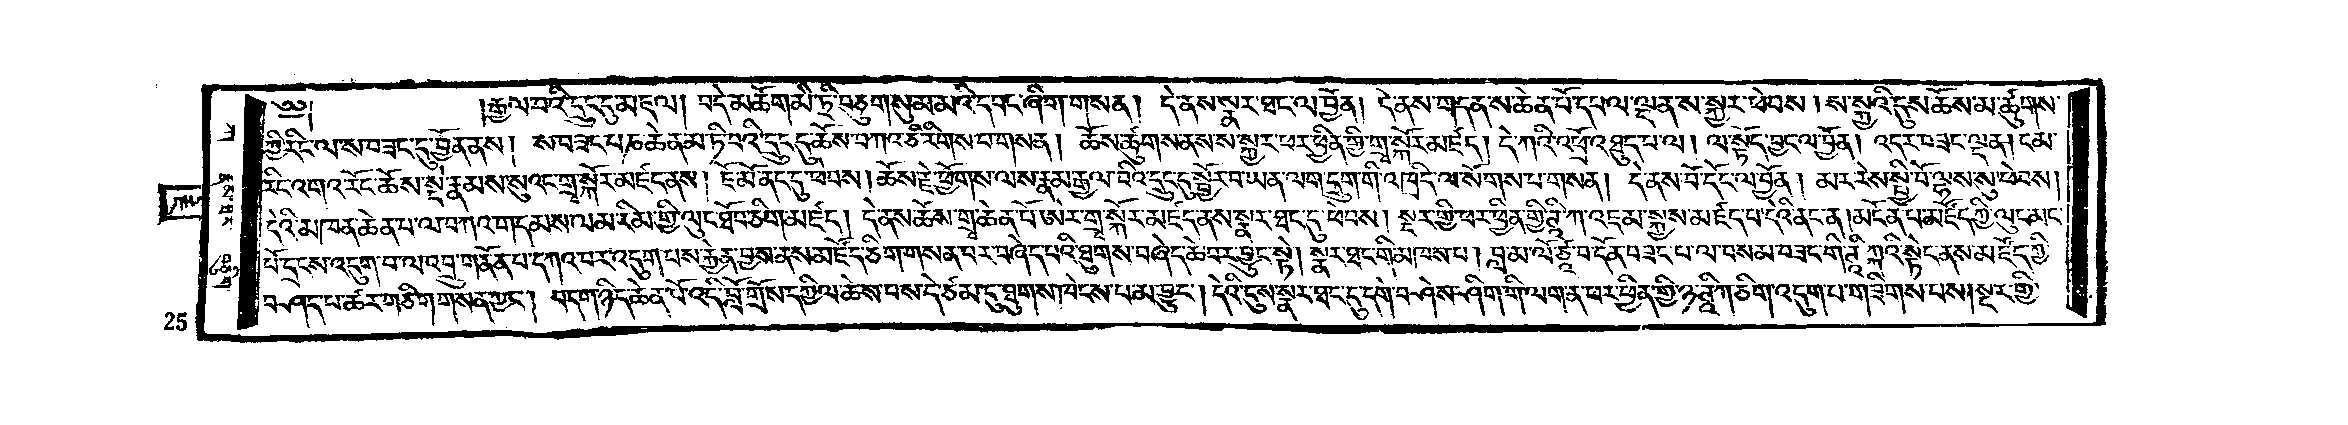༄༅། །རྒྱལ་བའི་དྲུང་དུ་མཇལ། བདེ་མཆོག་མཻ་ཏྲི་བཅུ་གསུམ་མའི་དབང་ཞིག་གསན། དེ་ནས་སྣར་ཐང་ལ་བྱོན། དེ་ནས་གདན་ས་ཆེན་པོ་དཔལ་ལྡན་ས་སྐྱར་ཕེབས། ས་སྐྱའི་དུས་ཆོས་མ་ཚུགས་
ཀྱི་རིང་ལ་ས་བཟང་དུ་བྱོན་ནས། ས་བཟང་པཎ་ཆེན་མ་ཏི་བའི་དྲུང་དུ་ཆོས་བཀའ་ཅི་རིགས་པ་གསན། ཆོས་ཚུགས་ནས་ས་སྐྱར་ཕར་ཕྱིན་གྱི་གྲྭ་སྐོར་མཛད། དེ་ཀའི་འཕྲོ་འཐུད་པ་ལ། ལ་སྟོད་བྱང་ལ་བྱོན། འདར་བཟང་ལྡན། ངམ་
རིང་འགའ་རོང་ཆོས་སྡེ་རྣམས་སུའང་གྲྭ་སྐོར་མཛད་ནས། ཇོ་མོ་ནང་དུ་ཕེབས། ཆོས་རྗེ་ཕྱོགས་ལས་རྣམ་རྒྱལ་བའི་དྲུང་དུ་སྦྱོར་བ་ཡན་ལག་དྲུག་གི་འཁྲིད་ལ་སོགས་པ་གསན། དེ་ནས་བོ་དོང་ལ་བྱོན། མར་རེས་སྤྱི་བོ་ལྷས་སུ་ཕེབས།
དེའི་མཁན་ཆེན་པ་ལ་བཀའ་གདམས་ལམ་རིམ་གྱི་ལུང་ཐོབ་ཅིག་མཛད། དེ་ནས་ཆོས་གྲྭ་ཆེན་པོ་ཨེར་གྲྭ་སྐོར་མཛད་ནས་སྣར་ཐང་དུ་ཕེབས། སྔར་གྱི་ཕར་ཕྱིན་གྱི་ཊཱི་ཀ་འཇམ་སྐྱས་མཛད་པ་དེའི་ནང་ན། མངོན་པ་མཛོད་ཀྱི་ལུང་མང་
པོ་དྲངས་འདུག་པ་ལ་འབྲུ་གནོན་པ་དཀའ་བར་འདུག་པས་རྐྱེན་བྱས་ནས་མཛོད་ཅིག་གསན་པར་བཞེད་པའི་ཐུགས་བཞེད་ཆེ་བར་བྱུང་སྟེ། སྣར་ཐང་གི་མཁས་པ། བླ་མ་ལོ་ཙཱ་བ་དོན་བཟང་པ་ལ་བསམ་བཟང་གི་ཊཱི་ཀྐའི་སྟེང་ནས་མཛོད་ཀྱི་
བཤད་པ་ཚར་གཅིག་གསན་ཀྱང་། བདག་ཉིད་ཆེན་པོ་འདི་བློ་གྲོས་དཀྱིལ་ཆེས་བས་དེ་ཙམ་དུ་ཐུགས་ཁེངས་པ་མ་བྱུང་། དེའི་དུས་སྣར་ཐང་དུ་དགེ་བཤེས་ཤིག་གི་ལག་ན་ཕར་ཕྱིན་གྱི་ཉ་ཊཱིཀ་ཅིག་འདུག་པ་གཟིགས་པས། སྔར་གྱི་